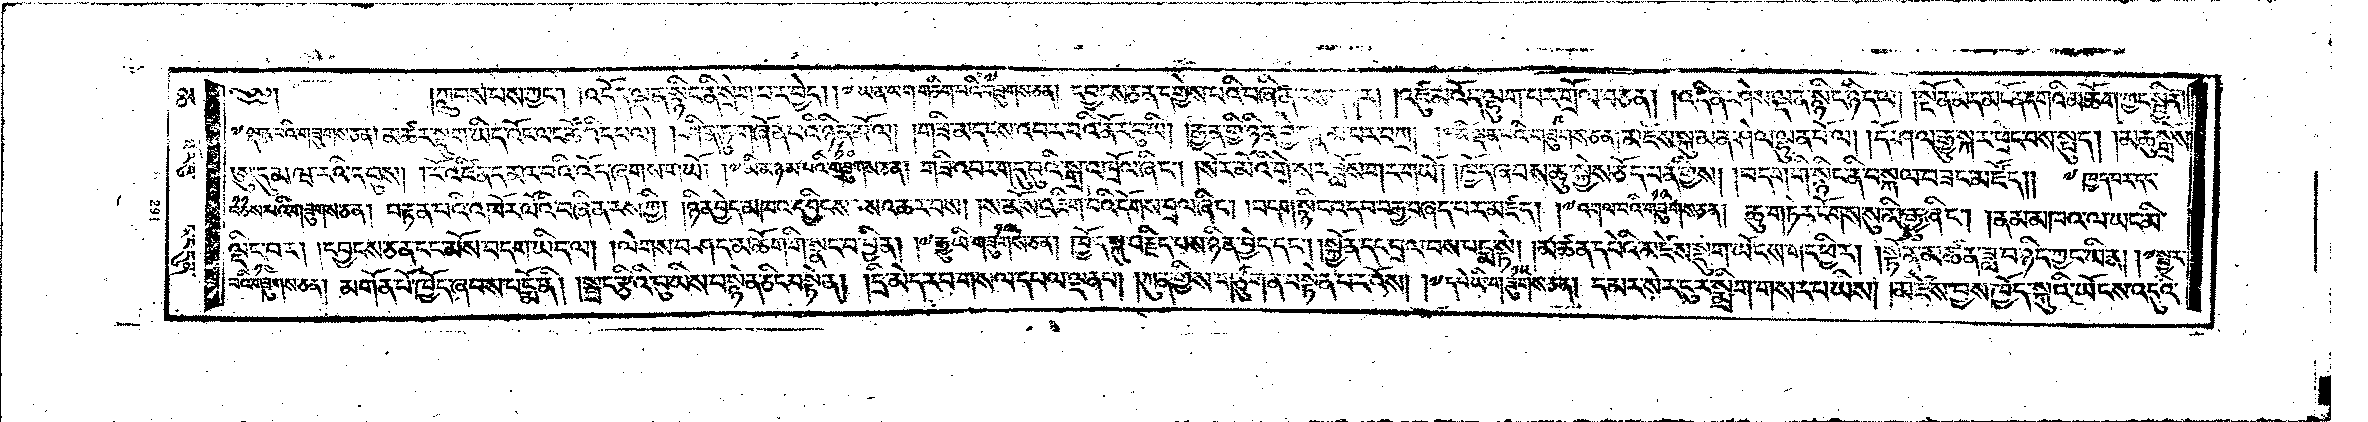༄༅། །ཀླུབས་པས་ཀྱང་། །འདོད་ལྡན་སྙིང་ནི་སྲེག་པར་བྱེད། །༧ཡན་ལག་གཅིག་བའི་གཙུགས་ཅན།  དབྱངས་ཅན་དགྱེས་པའི་བཞིན་རས་དཀར། །འཛུམ་འོད་ལྷུག་པར་གྲོལ་བ་ཅན། །འདི་ན་ཤེས་ལྡན་སྙིང་ཉིད་ལ། །སྔོན་མེད་མངོན་དགའི་མཆོག་ཀྱང་སྦྱིན་
༧ལྡན་པའི་གཟུགས་ཅན།  མཚར་སྡུག་ཡིད་འོང་ལང་ཚོའི་དཔལ། །ཤིན་ཏུ་གཞོན་བའི་ཉིན་མོ་ལ། །གཟི་མདངས་འབར་བའི་ནོར་བུ་ཡི། །རྒྱན་གྱི་ཉིན་བྱེད་རྣམ་པར་བཀྲ། །༧མི་ལྡན་པའི་གཟུགས་ཅན།  མཛེས་སྐུ་མན་ཤེལ་ལྷུན་པོ་ལ། །དོ་ཤལ་རྒྱུ་སྐར་ཕྲེང་བས་སྤུད། །མཆུ་སྒྲོས་
ཨུ་དུམ་ཝ་རའི་དབུས། །རོ་འཛིན་དམར་བའི་འོད་ཞགས་གཡོ། །༧མི་མཉམ་པའི་གཟུགས་ཅན།  གཟི་འབར་གདུ་བུའི་སྒྲ་འཁྲོལ་ཞིང་། །སོར་མོའི་འགྲེ་སར་ཟློས་གར་གཡོ། །ཁྱོད་ཞབས་ཆུ་སྐྱེས་ཅོད་པན་གྱིས། །བདག་གི་སྙིང་ནི་བསྐལ་བཟང་མཛོད།། ༧ཁྱད་པར་དང་
བཅས་པའི་གཟུགས་ཅན། བརྟན་པའི་འཁོར་ལོའི་བཞིན་རས་ཀྱི། །ཉིན་བྱེད་མཁའ་དབྱིངས་པས་འཆར་བས། །ས་མོས་འཇིག་པའི་དོགས་བྲལ་ཞིང་། །བདག་སྙིང་འདབ་བརྒྱ་བཞད་པར་མཛད། །༧འགལ་བའི་གཟུགས་ཅན།  ཆུ་གཏེར་དོགས་སུ་མི་རྒྱུ་ཞིང་། །ནམ་མཁའ་ལ་ཡང་མི་
ལྡིང་བར། །དབྱངས་ཅན་ངང་མོས་བདག་ཡིད་ལ། །ལེགས་བཤད་མཆོག་གི་སྣང་བ་ཕྱིན། །༧རྒྱུ་ཡི་གཟུགས་ཅན།  ཁྱོད་སྐུ་བརྗིད་པས་ཉིན་བྱེད་དང་། །སྐྱོན་དང་བྲལ་བས་པདམ་སྟེ། །མཚན་དཔེའི་མཛེས་སྡུག་ཡོངས་གང་ཕྱིར། །སྟོན་མཚན་ཟླ་བ་ཉིད་ཀྱང་ཡིན། །༧སྦྱར་
བའི་གཟུགས་ཅན། མགོན་པོ་ཁྱོད་ཞབས་པདམོ་ནི། །སྒྲང་རྩིའི་བུ་ཡིས་བསྙེན་ཅིང་བསྟེན། །དྲི་མེད་རབ་གསལ་དཔལ་ལྡན་པ། །ཀུན་གྱིས་གཙུགས་ན་བསྟེན་པར་འོས། །༧དཔེ་ཡི་གཟུགས་ཅན།  དམར་སེར་ངུར་སྨྲིག་གསར་པ་ཡིས། །མཛེས་བྱས་ཁྱོད་སྐུའི་ཡོངས་འདུའི་